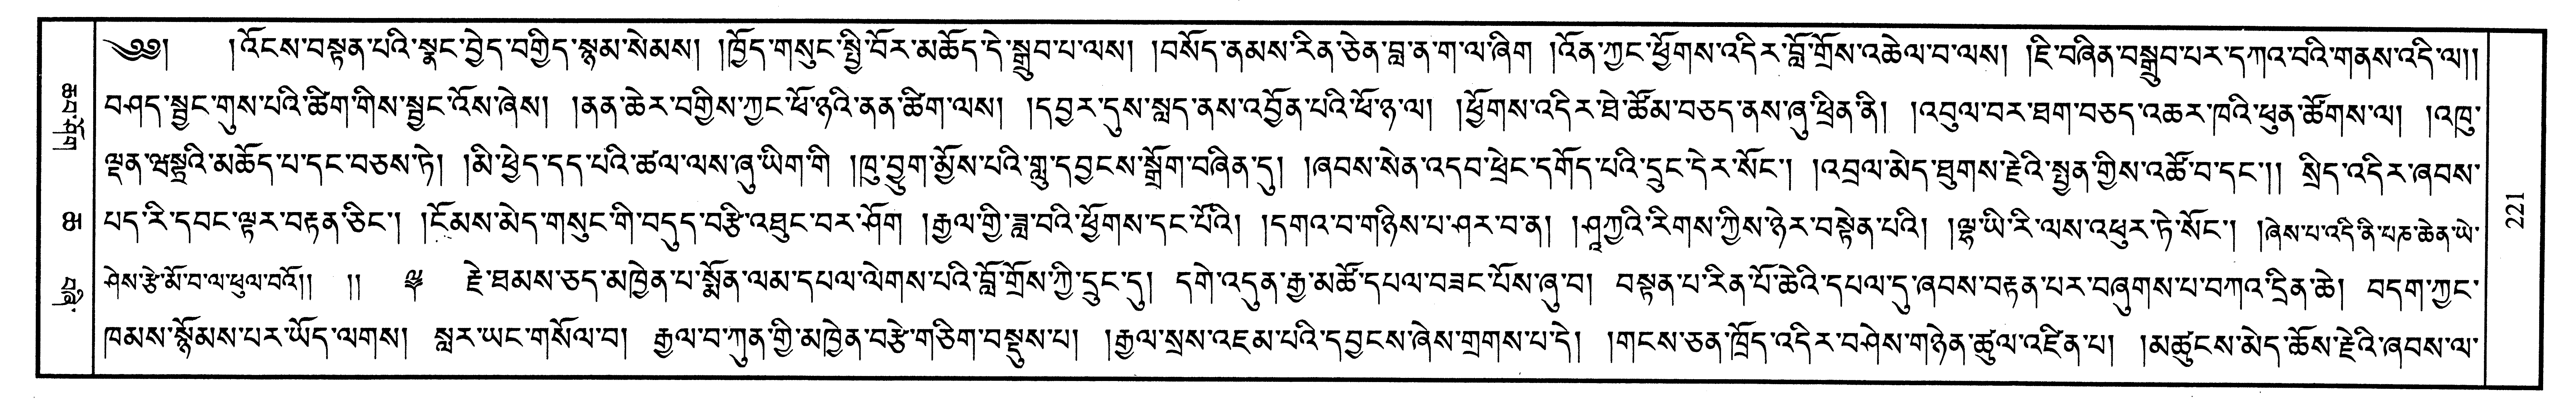༄༅། །འོངས་བསྟན་པའི་སྣང་བྱེད་བགྱིད་སྙམ་སེམས། །ཁྱོད་གསུང་སྤྱི་བོར་མཆོད་དེ་སྒྲུབ་པ་ལས། །བསོད་ནམས་རིན་ཅེན་བླ་ན་ག་ལ་ཞིག །འོན་ཀྱང་ཕྱོགས་འདིར་བློ་གྲོས་འཆེལ་བ་ལས། །ཇི་བཞིན་བསྒྲུབ་པར་དཀའ་བའི་གནས་འདི་ལ།།
བཤད་སྦྱང་གུས་པའི་ཚིག་གིས་སྦྱང་འོས་ཞེས། །ནན་ཆེར་བགྱིས་ཀྱང་ཕོ་ཉའི་ནན་ཚིག་ལས། །དབྱར་དུས་སླད་ནས་འབྱོན་པའི་ཕོ་ཉ་ལ། །ཕྱོགས་འདིར་ཐེ་ཚོམ་བཅད་ནས་ཞུ་ཕྲིན་ནི། །འབུལ་བར་ཐག་བཅད་འཆར་ཁའི་ཕུན་ཚོགས་ལ། །འཁུ་
ལྡན་ཝསྟྲའི་མཆོད་པ་དང་བཅས་ཏེ། །མི་ཕྱེད་དད་པའི་ཚལ་ལས་ཞུ་ཡིག་གི །ཁུ་བྱུག་མྱོས་པའི་གླུ་དབྱངས་སྒྲོག་བཞིན་དུ། །ཞབས་སེན་འདབ་ཕྲེང་དགོད་པའི་དྲུང་དེར་སོང་། །འབྲལ་མེད་ཐུགས་རྗེའི་སྤྱན་གྱིས་འཚོ་བ་དང་། །སྲིད་འདིར་ཞབས་
པད་རི་དབང་ལྟར་བརྟན་ཅིང་། །ངོམས་མེད་གསུང་གི་བདུད་བརྩི་འཐུང་བར་ཤོག །རྒྱལ་གྱི་ཟླ་བའི་ཕྱོགས་དང་པོའི། །དགའ་བ་གཉིས་པ་ཤར་བ་ན། །ཤཱཀྱའི་རིགས་ཀྱིས་ཉེར་བསྟེན་པའི། །ལྷ་ཡི་རི་ལས་འཕུར་ཏེ་སོང་། །ཞེས་པ་འདི་ནི་པཎ་ཆེན་ཡེ་
ཤེས་རྩེ་མོ་བ་ལ་ཕུལ་བའོ།། །། ༈ རྗེ་ཐམས་ཅད་མཁྱེན་པ་སྨོན་ལམ་དཔལ་ལེགས་པའི་བློ་གྲོས་ཀྱི་དྲུང་དུ། དགེ་འདུན་རྒྱ་མཚོ་དཔལ་བཟང་པོས་ཞུ་བ། བསྟན་པ་རིན་པོ་ཆེའི་དཔལ་དུ་ཞབས་བརྟན་པར་བཞུགས་པ་བཀའ་དྲིན་ཆེ། །བདག་ཀྱང་
ཁམས་སྙོམས་པར་ཡོད་ལགས། སླར་ཡང་གསོལ་བ། རྒྱལ་བ་ཀུན་གྱི་མཁྱེན་བརྩེ་གཅིག་བསྡུས་པ། །རྒྱལ་སྲས་འཇམ་པའི་དབྱངས་ཞེས་གྲགས་པ་དེ། །གངས་ཅན་ཁྲོད་འདིར་བཤེས་གཉེན་ཚུལ་འཛིན་པ། །མཚུངས་མེད་ཆོས་རྗེའི་ཞབས་ལ་